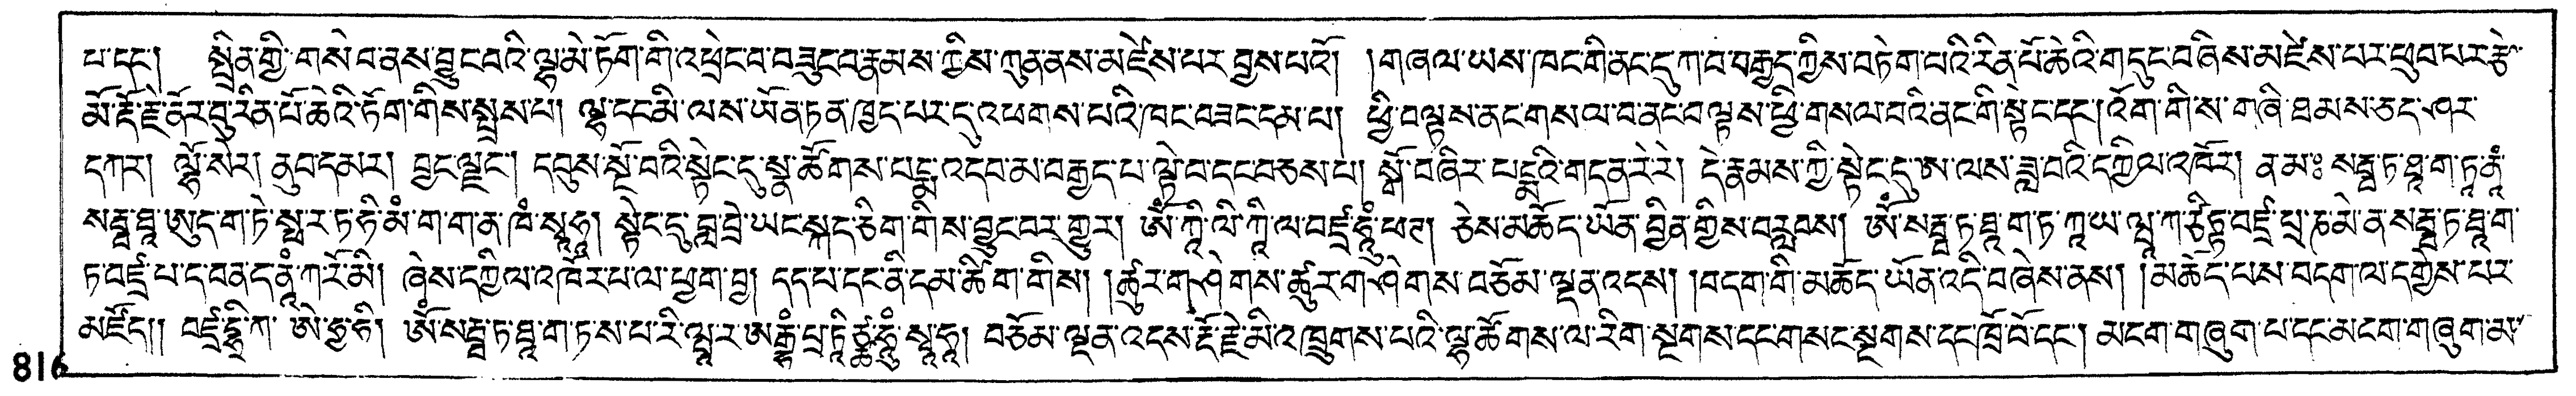པ་དང་། སྤྲིན་གྱི་གསེབ་ནས་བྱུང་བའི་ལྷ་མེ་ཏོག་གི་འཕྲེང་བ་བཟུང་བ་རྣམས་ཀྱིས་ཀུན་ནས་མཛེས་པར་བྱས་པའོ། །གཞལ་ཡས་ཁང་གི་ནང་དུ་ཀ་བ་བརྒྱད་ཀྱིས་བཏེག་པའི་རིན་པོ་ཆེའི་གདུང་བཞིས་མཛེས་པར་ཕུབ་པར་རྩེ་
མོ་རྡོ་རྗེ་ནོར་བུ་རིན་པོ་ཆེའི་ཏོག་གིས་སྤྲས་པ། ལྷ་དང་མི་ལས་ཡོན་ཏན་ཁྱད་པར་དུ་འཕགས་པའི་ཁང་བཟང་དམ་པ། ཕྱི་བལྟས་ནང་གསལ་བ་ནང་བལྟས་ཕྱི་གསལ་བའི་ནང་གི་སྟེང་དང་། འོག་གི་ས་གཞི་ཐམས་ཅད་ཤར་
དཀར། ལྷོ་སེར། ནུབ་དམར། བྱང་ལྗང་། དབུས་སྔོ་བའི་སྟེང་དུ་སྣ་ཚོགས་པདམ་འདབ་མ་བརྒྱད་པ་ལྟེ་བ་དང་བཅས་པ། སྒོ་བཞིར་པདམའི་གདན་རེ་རེ། དེ་རྣམས་ཀྱི་སྟེང་དུ་ཨ་ལས་ཟླ་བའི་དཀྱིལ་འཁོར། ན་མཿ སརྦྦ་ཏ་ཐཱ་ག་ཏཱ་ནཱཾ་
སརྦྦ་ཐཱ་ཨུད་ག་ཏེ་སྥ་ར་ཏ་ཧི་མཾ་ག་ག་ན་ཁཾ་སྭཱཧཱ། སྟེང་དུ་བླ་བྲེ་ཡང་སྐད་ཅིག་གིས་བྱུང་བར་གྱུར། ཨོཾ་ཀཱི་ལི་ཀཱི་ལ་བཛྲ་ཧཱུཾ་ཕཊ། ཅེས་མཆོད་ཡོན་བྱིན་གྱིས་བརླབས། ཨོཾ་སརྦྦ་ཏ་ཐཱ་ག་ཏ་ཀཱ་ཡ་ཝཱ་ཀ་ཙིཏྟ་བཛྲ་པྲ་ཎ་མེ་ན་སརྦྦ་ཏ་ཐཱ་ག་
ཏ་བཛྲ་པ་ད་བན་ད་ནཱཾ་ཀ་རོ་མི། ཞེས་དཀྱིལ་འཁོར་པ་ལ་ཕྱག་བྱ། དད་པ་དང་ནི་དམ་ཚིག་གིས། །ཚུར་གཤེགས་ཚུར་གཤེགས་བཅོམ་ལྡན་འདས། །བདག་གི་མཆོད་ཡོན་འདི་བཞེས་ནས། །མཆོད་པས་བདག་ལ་དགྱེས་པར་
མཛོད། །བཛྲ་དྷྲི་ཀ་ཨེ་ཧྱ་ཧི། ཨོཾ་སརྦྦ་ཏ་ཐཱ་ག་ཏ་ས་པ་རི་ཝཱ་ར་ཨརྒྷཾ་པྲ་ཏཱི་ཙྪ་ཧཱུཾ་སྭཱཧཱ། བཅོམ་ལྡན་འདས་རྡོ་རྗེ་མི་འཁྲུགས་པའི་ལྷ་ཚོགས་ལ་རིག་སྔགས་དང་གསང་སྔགས་དང་ཁྲོ་བོ་དང་། མངག་གཞུག་པ་དང་མངག་གཞུག་མ་